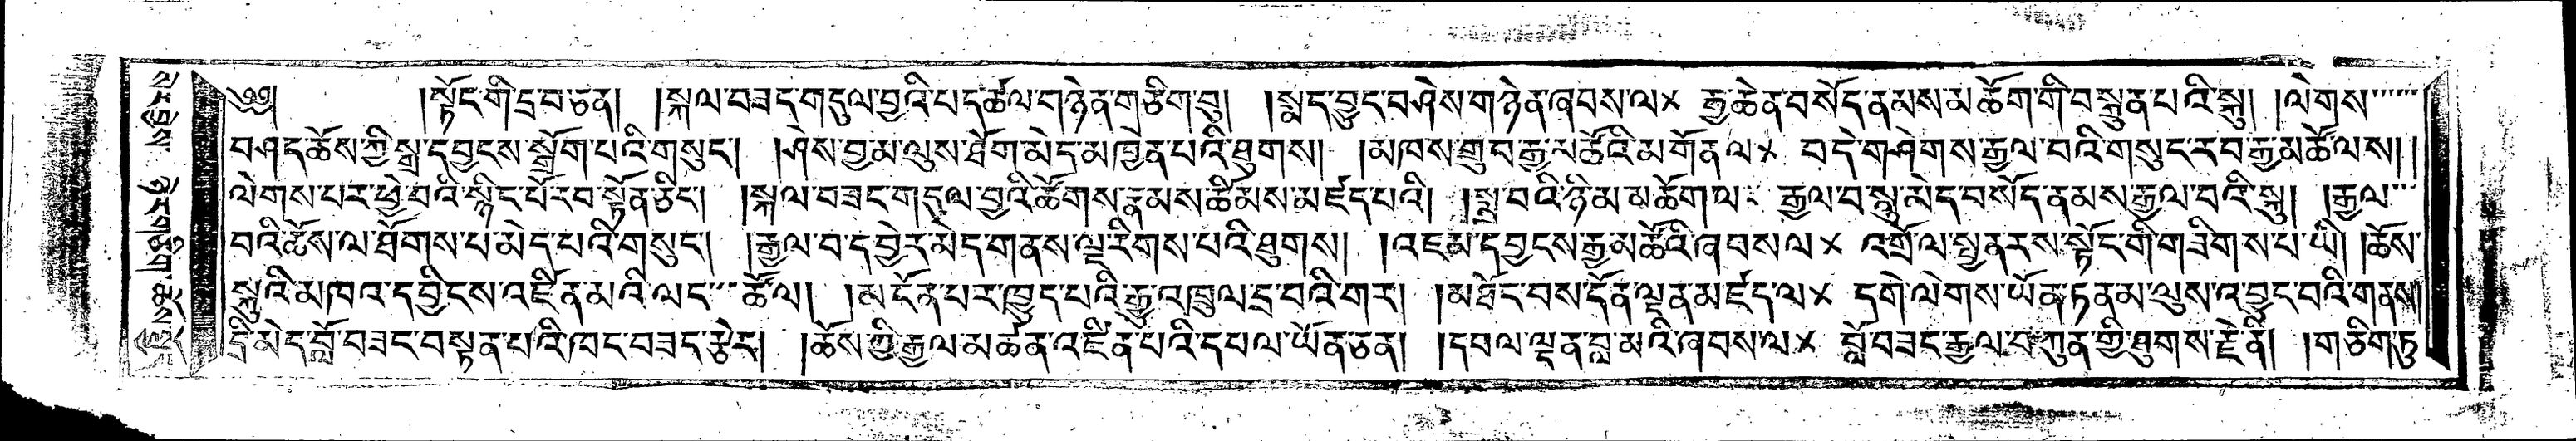༄༅། །སྟོང་གི་དྲ་བ་ཅན། །སྐལ་བཟང་གདུལ་བྱའི་པད་ཚལ་གཉེན་གཅིག་བུ། །སྨད་བྱུང་བཤེས་གཉེན་ཞབས་ལ་{྾}་རྒྱ་ཆེན་བསོད་ནམས་མཆོག་གི་བསྐྲུན་པའི་སྐུ། །ལེགས་
བཤད་ཆོས་ཀྱི་སྒྲ་དབྱངས་སྒྲོག་པའི་གསུང་། །ཤེས་བྱ་མ་ལུས་ཐོག་མེད་མཁྱེན་པའི་ཐུགས། །མཁས་གྲུབ་རྒྱ་མཚོའི་མགོན་ལ་{྾}་བདེ་གཤེགས་རྒྱལ་བའི་གསུང་རབ་རྒྱ་མཚོ་ལས། །
ལེགས་པར་ཕྱེ་བའི་སྙིང་པོ་རབ་སྟོན་ཅིང་། །སྐལ་བཟང་གདུལ་བྱའི་ཚོགས་རྣམས་ཚིམས་མཛད་པའི། །སྨྲ་བའི་ཉི་མ་མཆོག་ལ་{྾}་རྒྱལ་བ་སླུ་མེད་བསོད་ནམས་རྒྱལ་བའི་སྐུ། །རྒྱལ་
བའི་ཆོས་ལ་ཐོགས་པ་མེད་པའི་གསུང་། །རྒྱལ་བ་དབྱེར་མེད་གནས་ལྔ་རིགས་པའི་ཐུགས། །འཇམ་དབྱངས་རྒྱ་མཚོའི་ཞབས་ལ་{྾}་འགྲོ་ལ་སྤྱན་རས་སྟོང་གི་གཟིགས་པ་ཡི། །ཆོས་
སྐུའི་མཁའ་དབྱིངས་འཛིན་མའི་ལང་ཚོལ། །མངོན་པར་ཁྱུད་པའི་རྒྱུ་འཁྲུལ་དྲ་བའི་གར། །མཐོང་བས་དོན་ལྡན་མཛད་ལ་{྾}་དགེ་ལེགས་ཡོན་ཏན་མ་ལུས་འབྱུང་བའི་གནས།
དྲི་མེད་བློ་བཟང་བསྟན་པའི་ཁང་བཟང་རྩེར། །ཆོས་ཀྱི་རྒྱལ་མཚན་འཛིན་པའི་དཔལ་ཡོན་ཅན། །དཔལ་ལྡན་བླ་མའི་ཞབས་ལ་{྾}་བློ་བཟང་རྒྱལ་བ་ཀུན་གྱི་ཐུགས་རྗེ་ནི། །གཅིག་ཏུ་